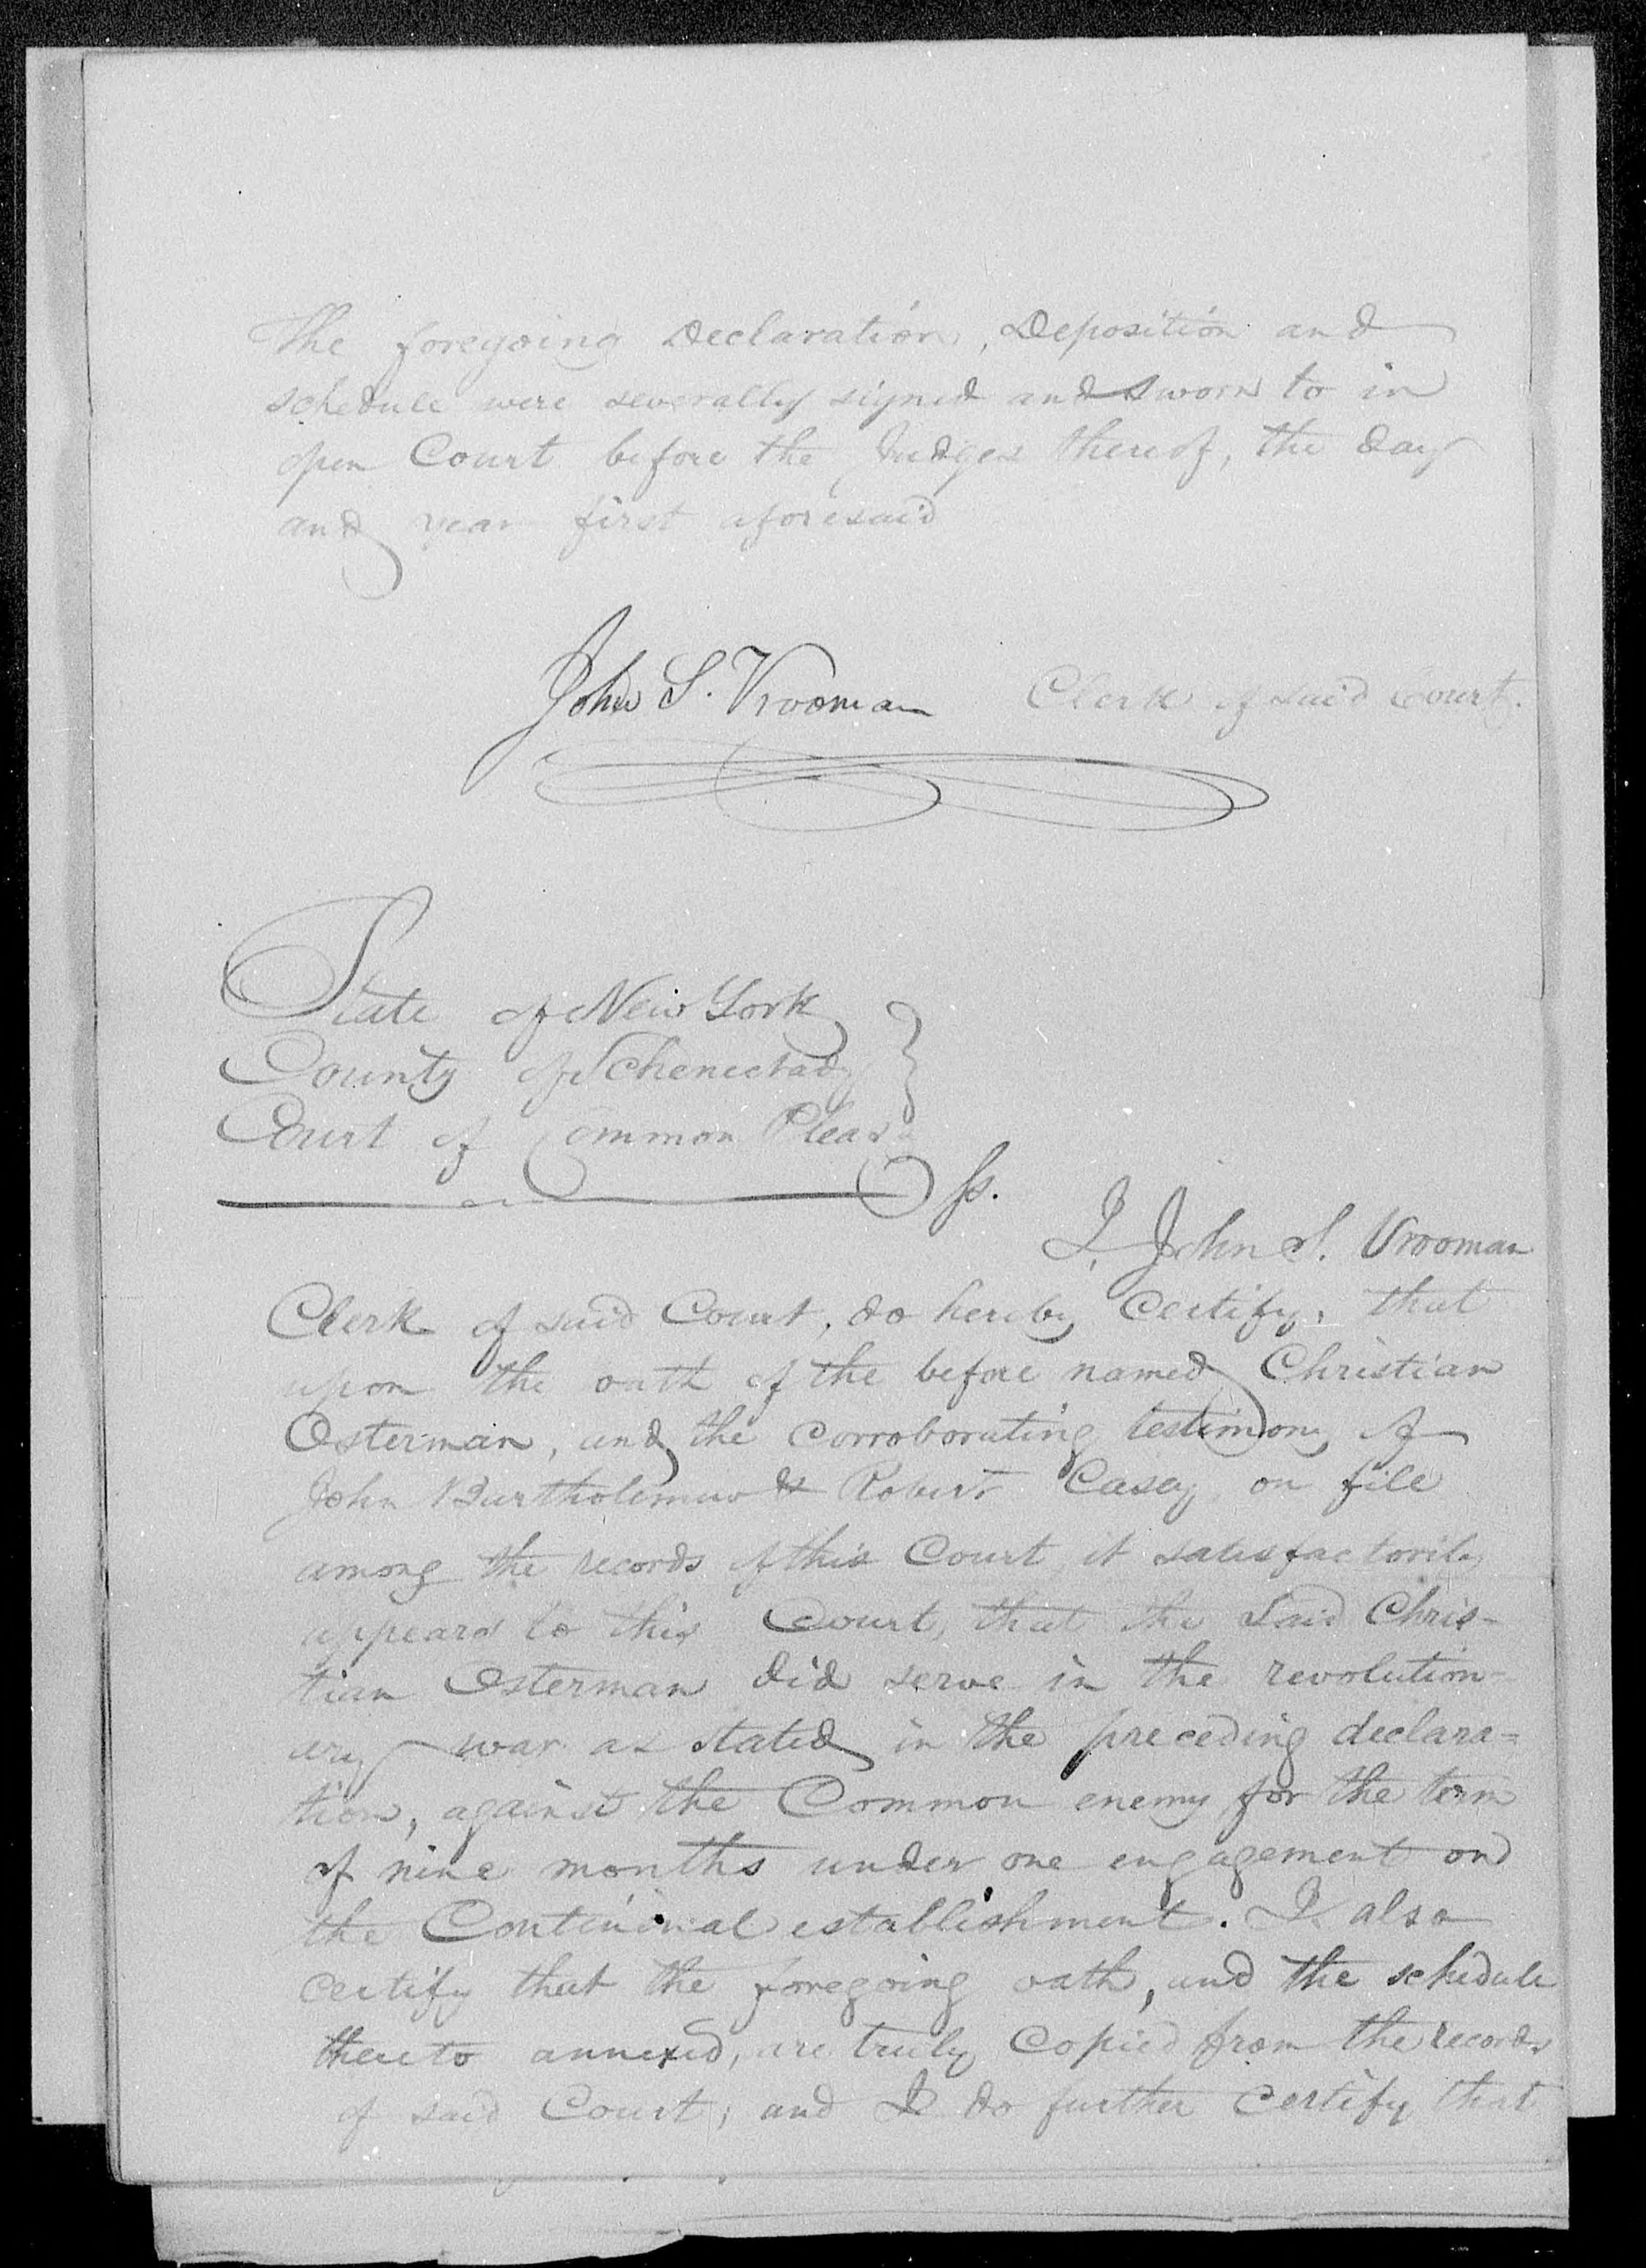The foregoing declaration, deposition and schedule were severally signed and sworn to in open court before the Judges thereof, the day and year first aforesaid. 
John S. Vrooman 
Clerk of said court 

State of New York
County of Schenectady
Court of Common Pleas ss. I, John S. Vrooman Clerk of said Court, do hereby certify, that upon the oath of the before named Christian Osterman, and the corroborative testimony of John Bartholomew & Robert Casey on file among the records of this Court it satisfactorily appears to this Court that the said Christian Osterman did serve in the revolutionary war as stated in the preceding declaration, against the Common enemy for the term of nine months under one engagement on the Continental establishment. I also certify that the foregoing oath, and the schedule thereto annexed are truly copied from the records of said Court and I do further certify that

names: Robert Casey; Christian Osterman; John Bartholemew; John S Vrooman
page: 30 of 40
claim: widow's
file: W. 21876, for Christian Osterman, New York